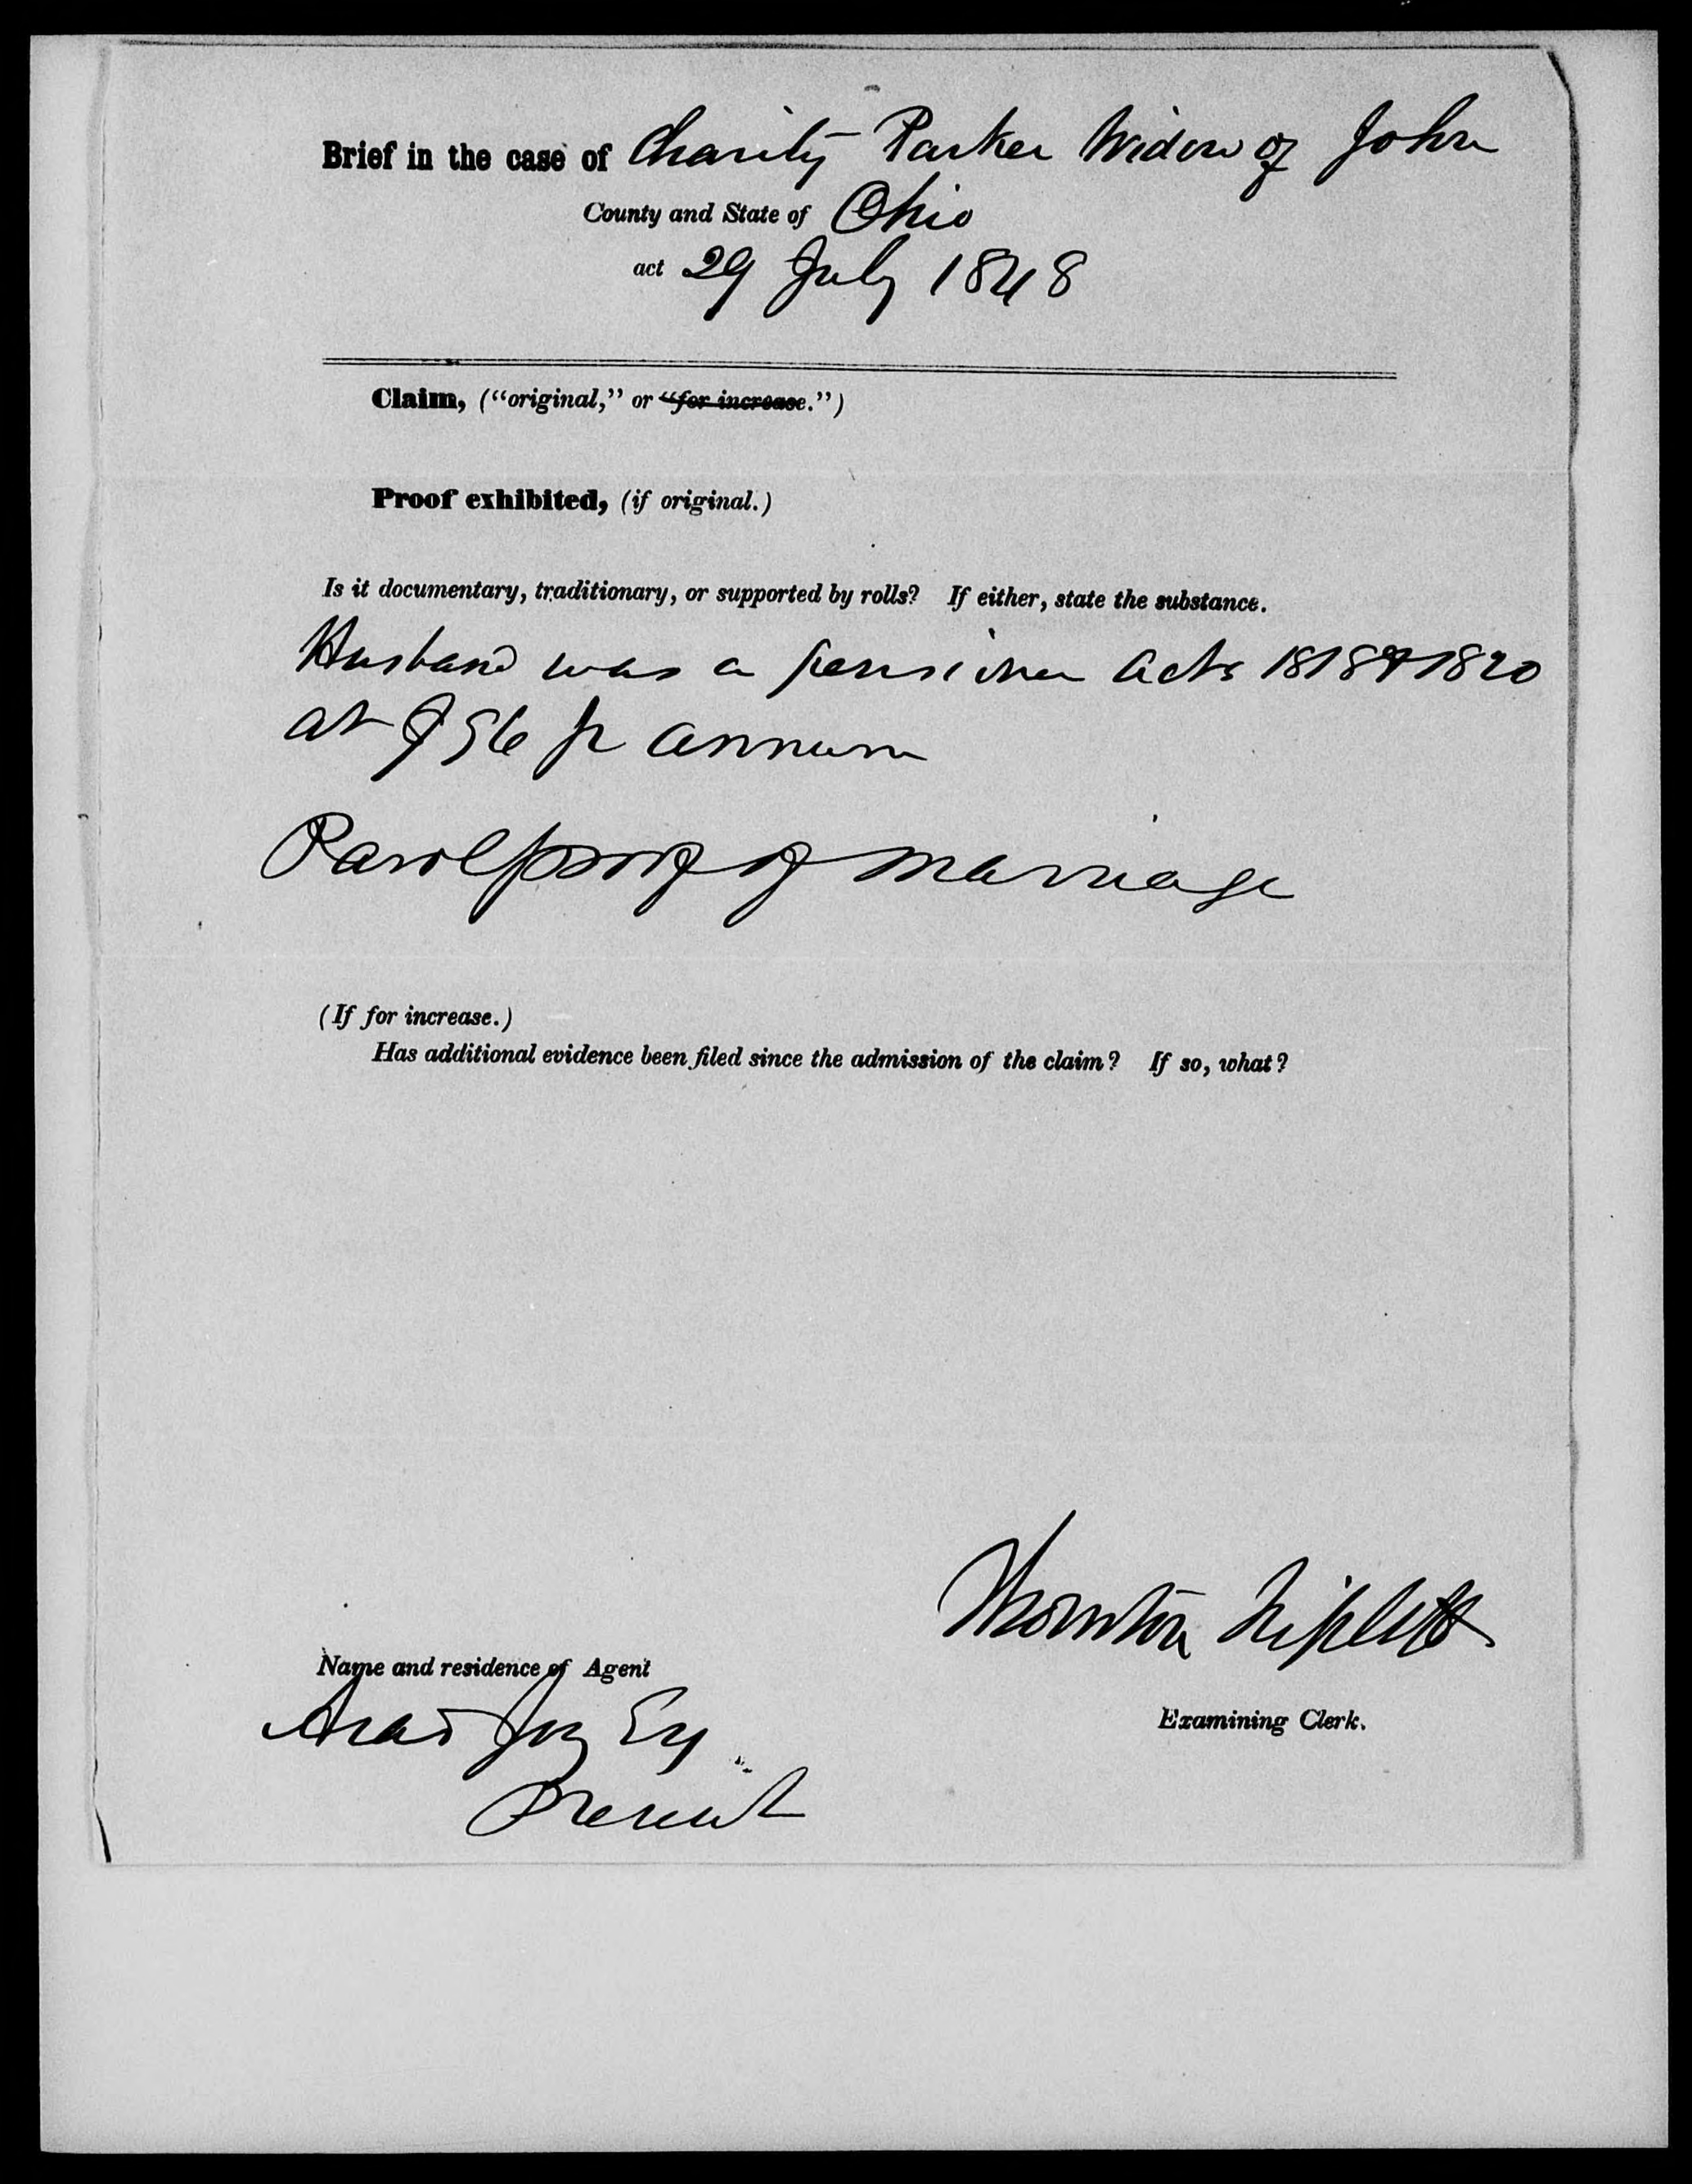Brief in the case of Charity Parker widow of John [blank] County and State of Ohio
act 29 July 1848
_____________________
Claim ("original", or "for increase.") [For increase crossed out]

Proof exhibited, (if original.)
Is it documentary, traditionary, or supported by rolls? If either, state the substance.
Husband was a pensioner Act 1818 & 1820 at $96 per annum
Proof of marriage

(If for increase.)
Has additional evidence been filed since the admission of the claim? If so, what? [blank]

//s// Thornton Triplett
Examining Clerk.
Name and residence of Agent
Arad Joy Esq.
present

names: John Parker; Thornton Triplett; Arad Joy; Charity Parker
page: 35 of 40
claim: widow's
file: W. 3,588, for John Parker, Pennsylvania